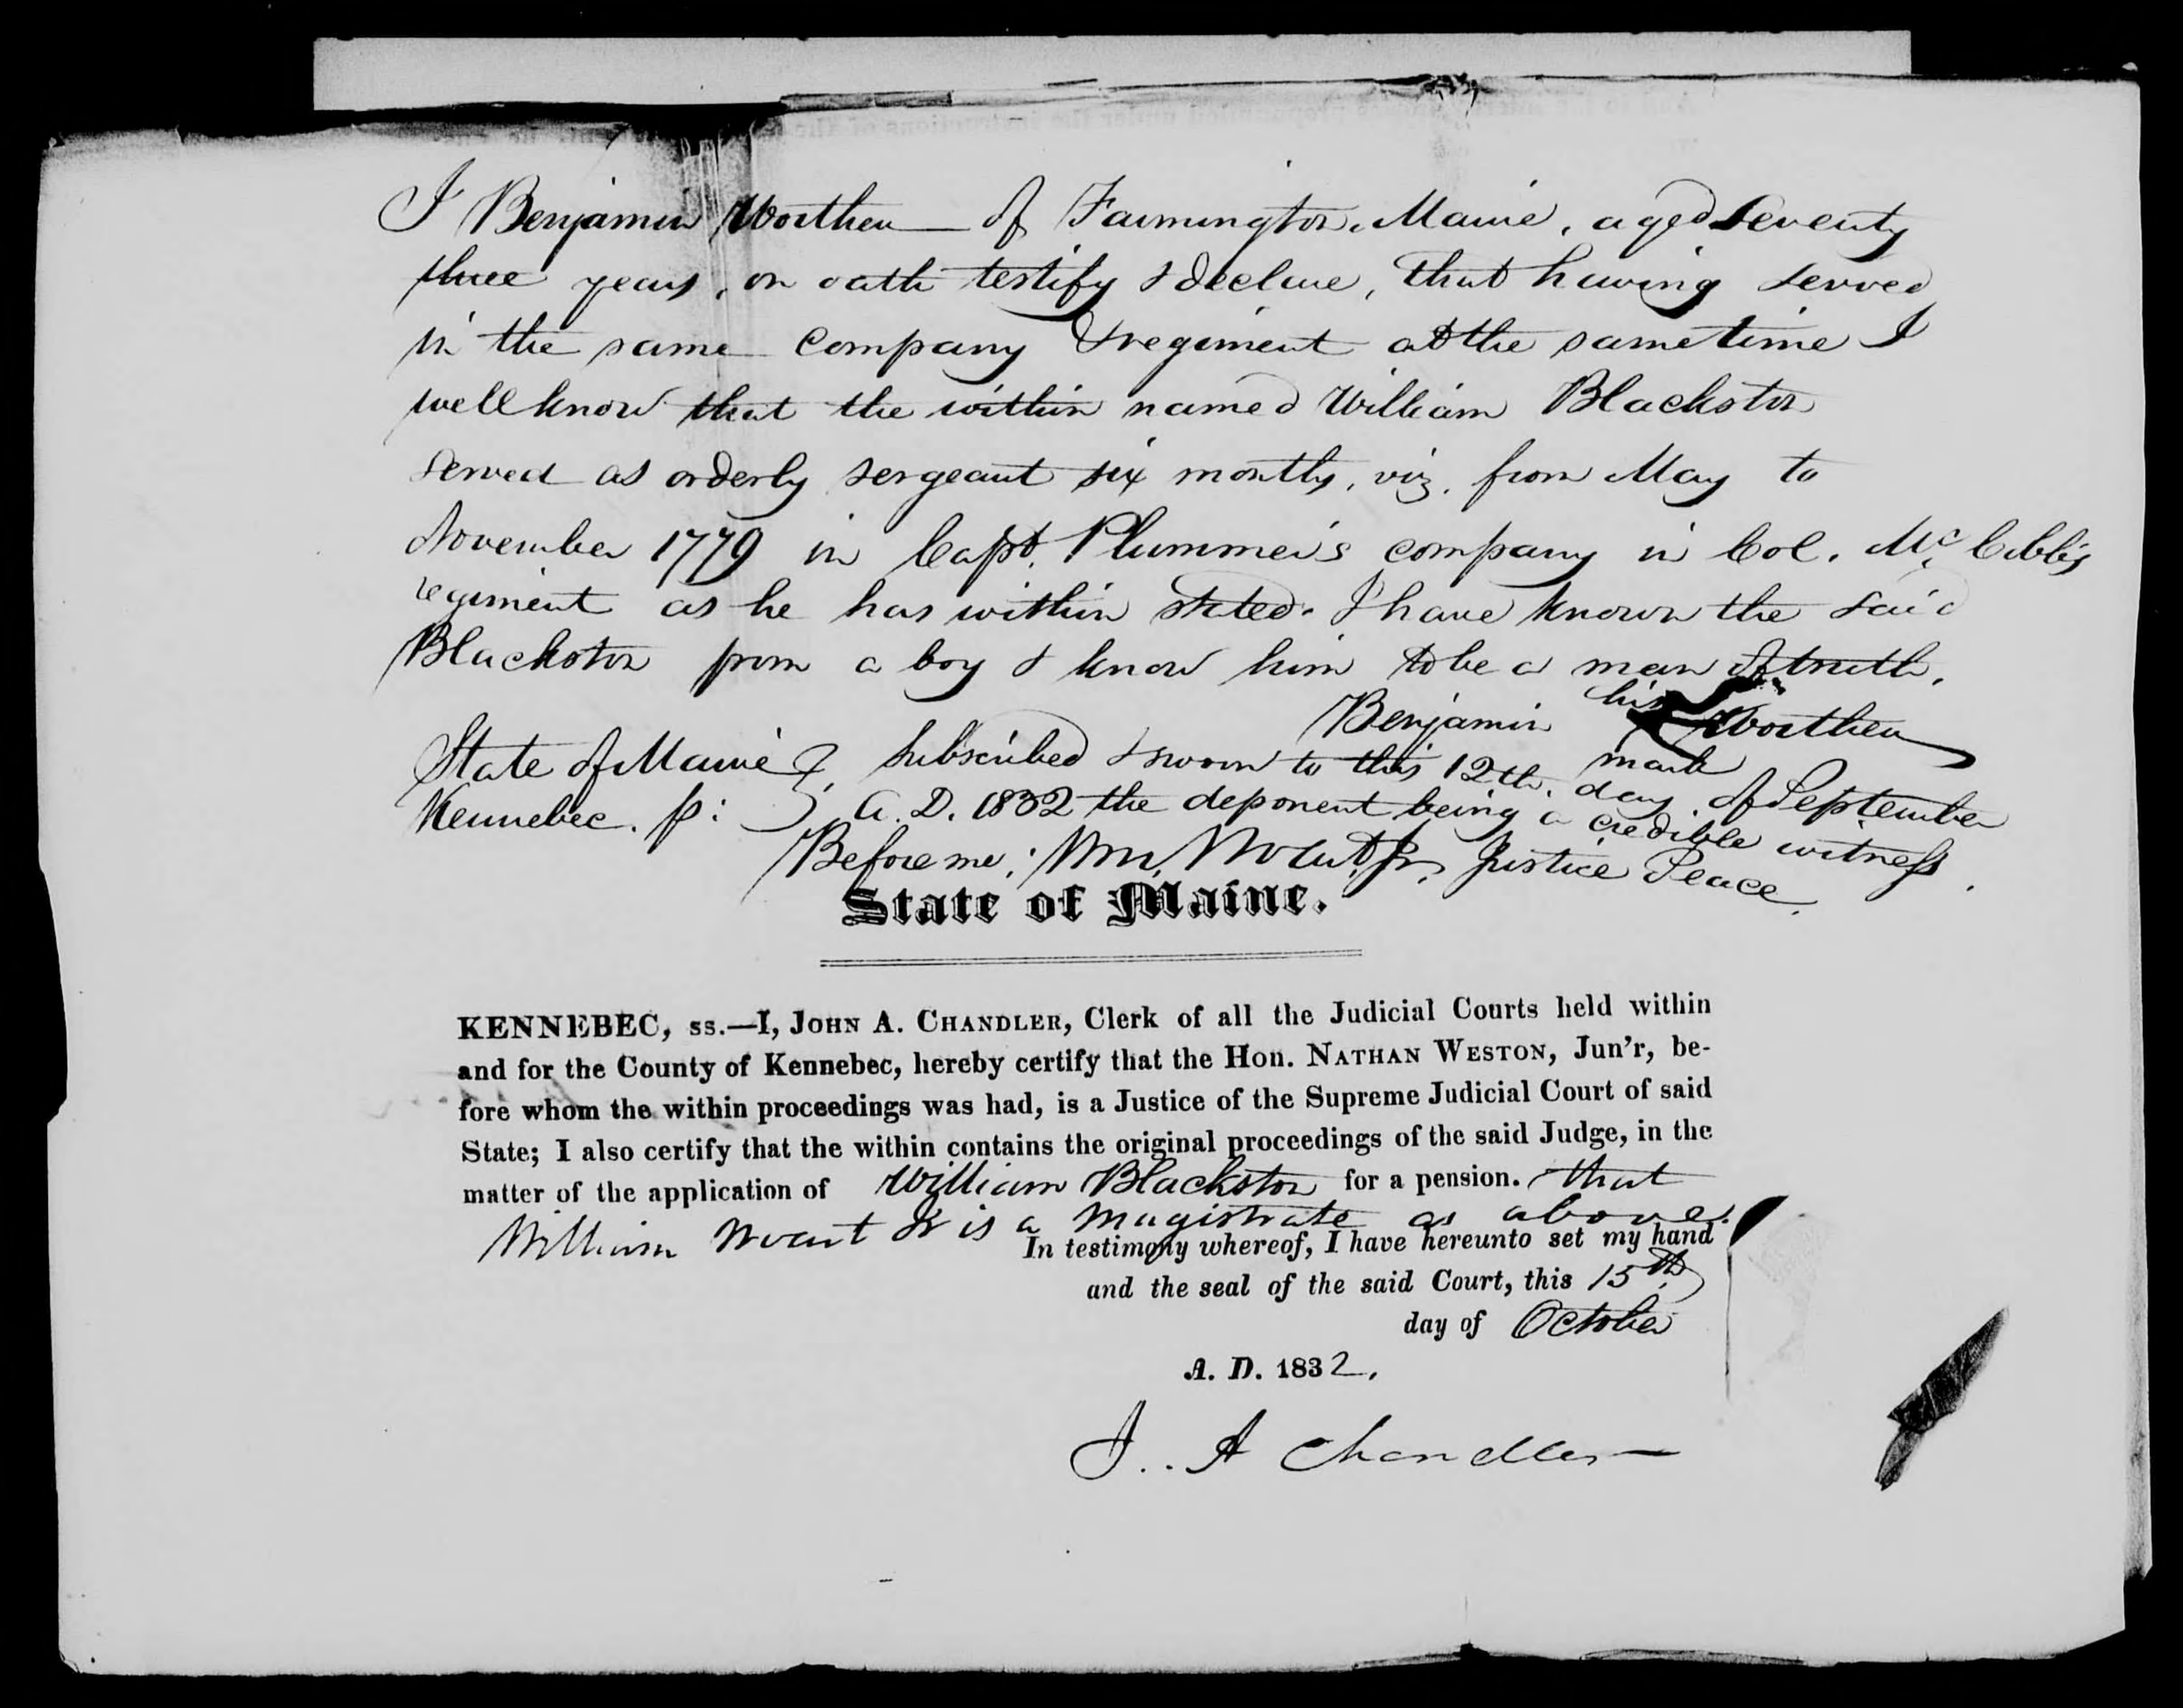I Benjamin Worthen  of Farmington Maine, aged seventy
three years on oath testify & declare that having served in the same company & regiment at the same time I well know that the within named William Blackston
served as orderly sergeant six months viz. from May to
November 1779 in Capt Plummer's company in Col. McCobb's
regiment as he has within stated. I have known the said
Blackston from a boy & know him to be a man of truth.
his [mark]
Benjamin Worthen
State of Maine} Subscribed & sworn to this 12th day of September
Kennebec ss:} A.D. 1832 the deponent being a credible witness
Before me: Wm Woart Jr. Justice Peace
State of Maine.
KENNEBEC, ss.--I, JOHN A. CHANDLER, Clerk of all the Judicial Courts held within
and for the County of Kennebec, hereby certify that the Hon. NATHAN WESTON, Jun'r, 
before whom the within proceedings was had, is a Justice of the Supreme Judicial Court of said
State; I also certify that the within contains the original proceedings of the said Judge, in the 
matter of the application of William Blackston for a pension. that
William Woart is a Magistrate as above
In testimony whereof, I have hereunto set my hand
and the seal of the said Court, this 15th
day of October
A.D. 1832
J. A. Chandler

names: J A Chandler, William Woart, Benjamin Worthen, Benjamin Worthen, Blackston, John A Chandler, William Blackston, Wm Woart, William Blackston, Nathan Weston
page: 6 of 14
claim: survivor's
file: S. 30,869, William Blackston, Mass.